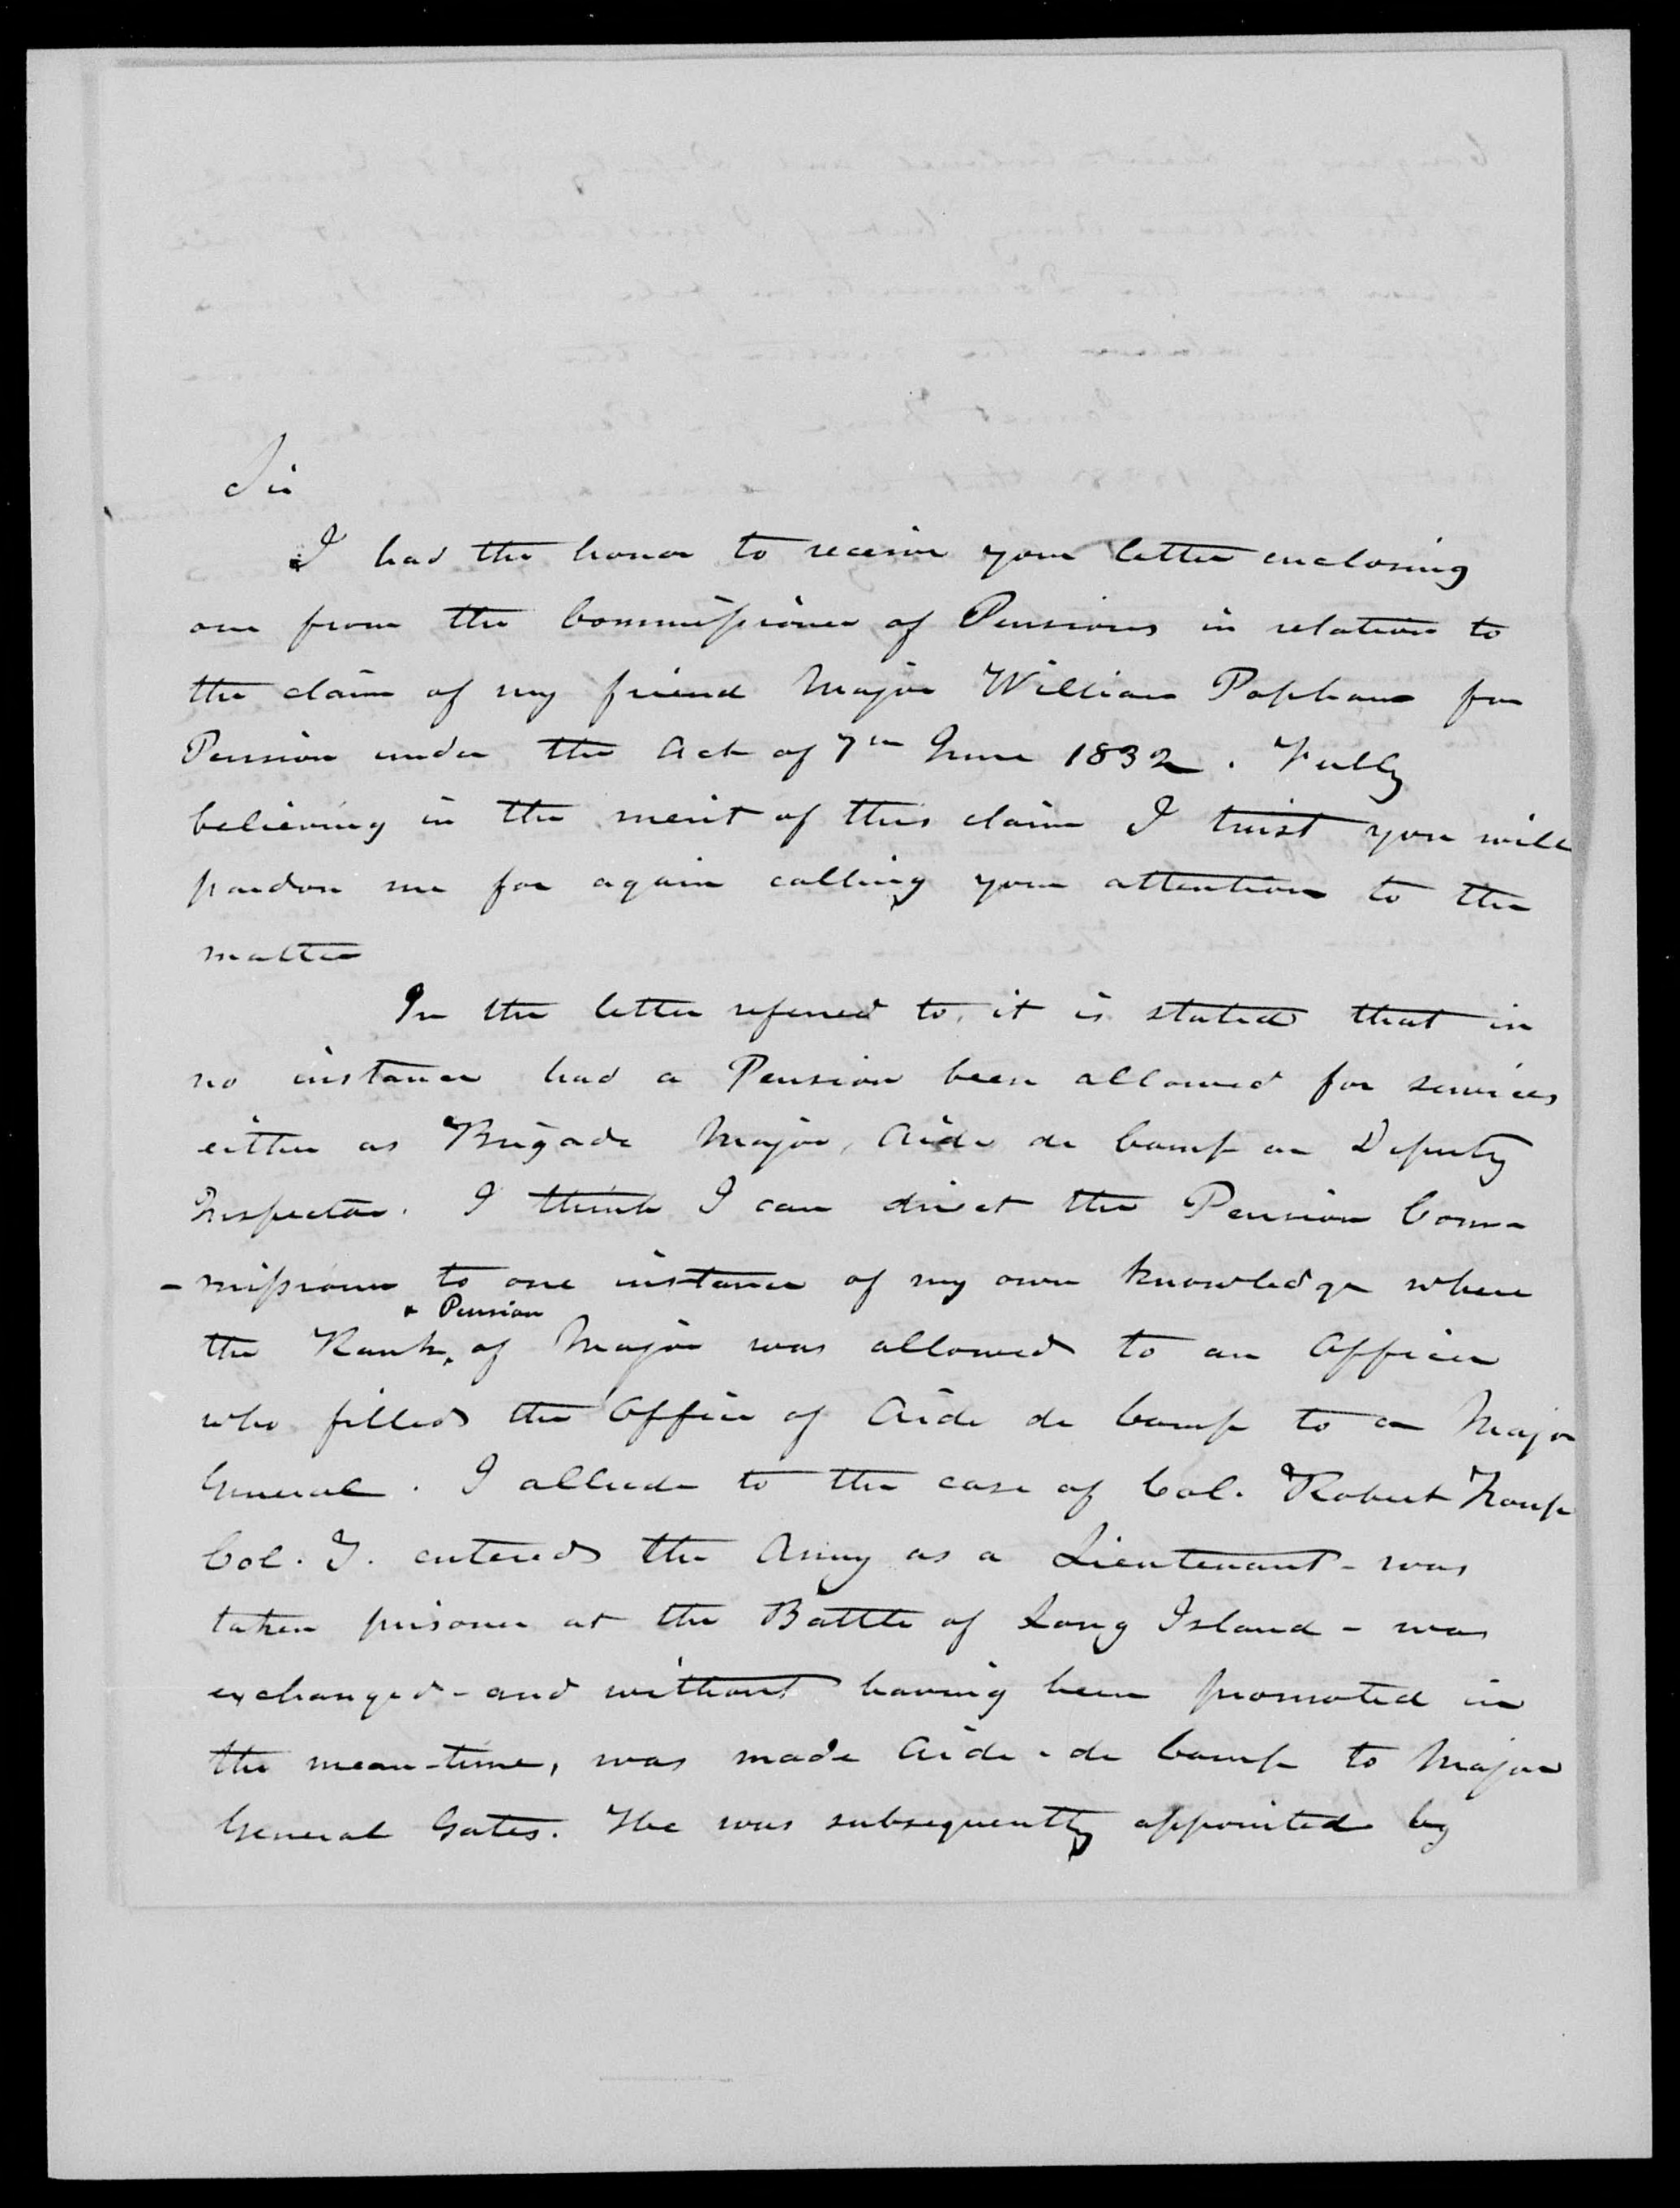Sir
I had the honor to receive from letter
enclosing
one from the Commissioner of Pensions in relation to
the claim of my friend Major William Popham for
Pension under the act of 7th June 1832. Fully
believing in the merit of this claim I trust you will
pardon me for again calling your attention to the
matter
In the letter referred to, it is stated that in
no instance had a pension been allowed for services either as Brigade Major, Aide de Camp as Deputy Inspector. I think I can direct the Pension Commissioner to one instance of my own knowledge when the Rank ^& pension of Major was allowed to an officer
who filled the Office of Aide de Camp to in Major General. I allude to the case of Col. Robert Troup
Col. I entered the army as a Lieutenant was
taken prisoner at the Battle of Long Island was
exchanged and without having been promoted in
the mean time, was made Aide de Camp to Major General
Gates. He was subsequently appointed by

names: Robert Troup; [BLANK] Gates; William Popham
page: 24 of 75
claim: survivor's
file: S. 9989, for William Popham, Delaware